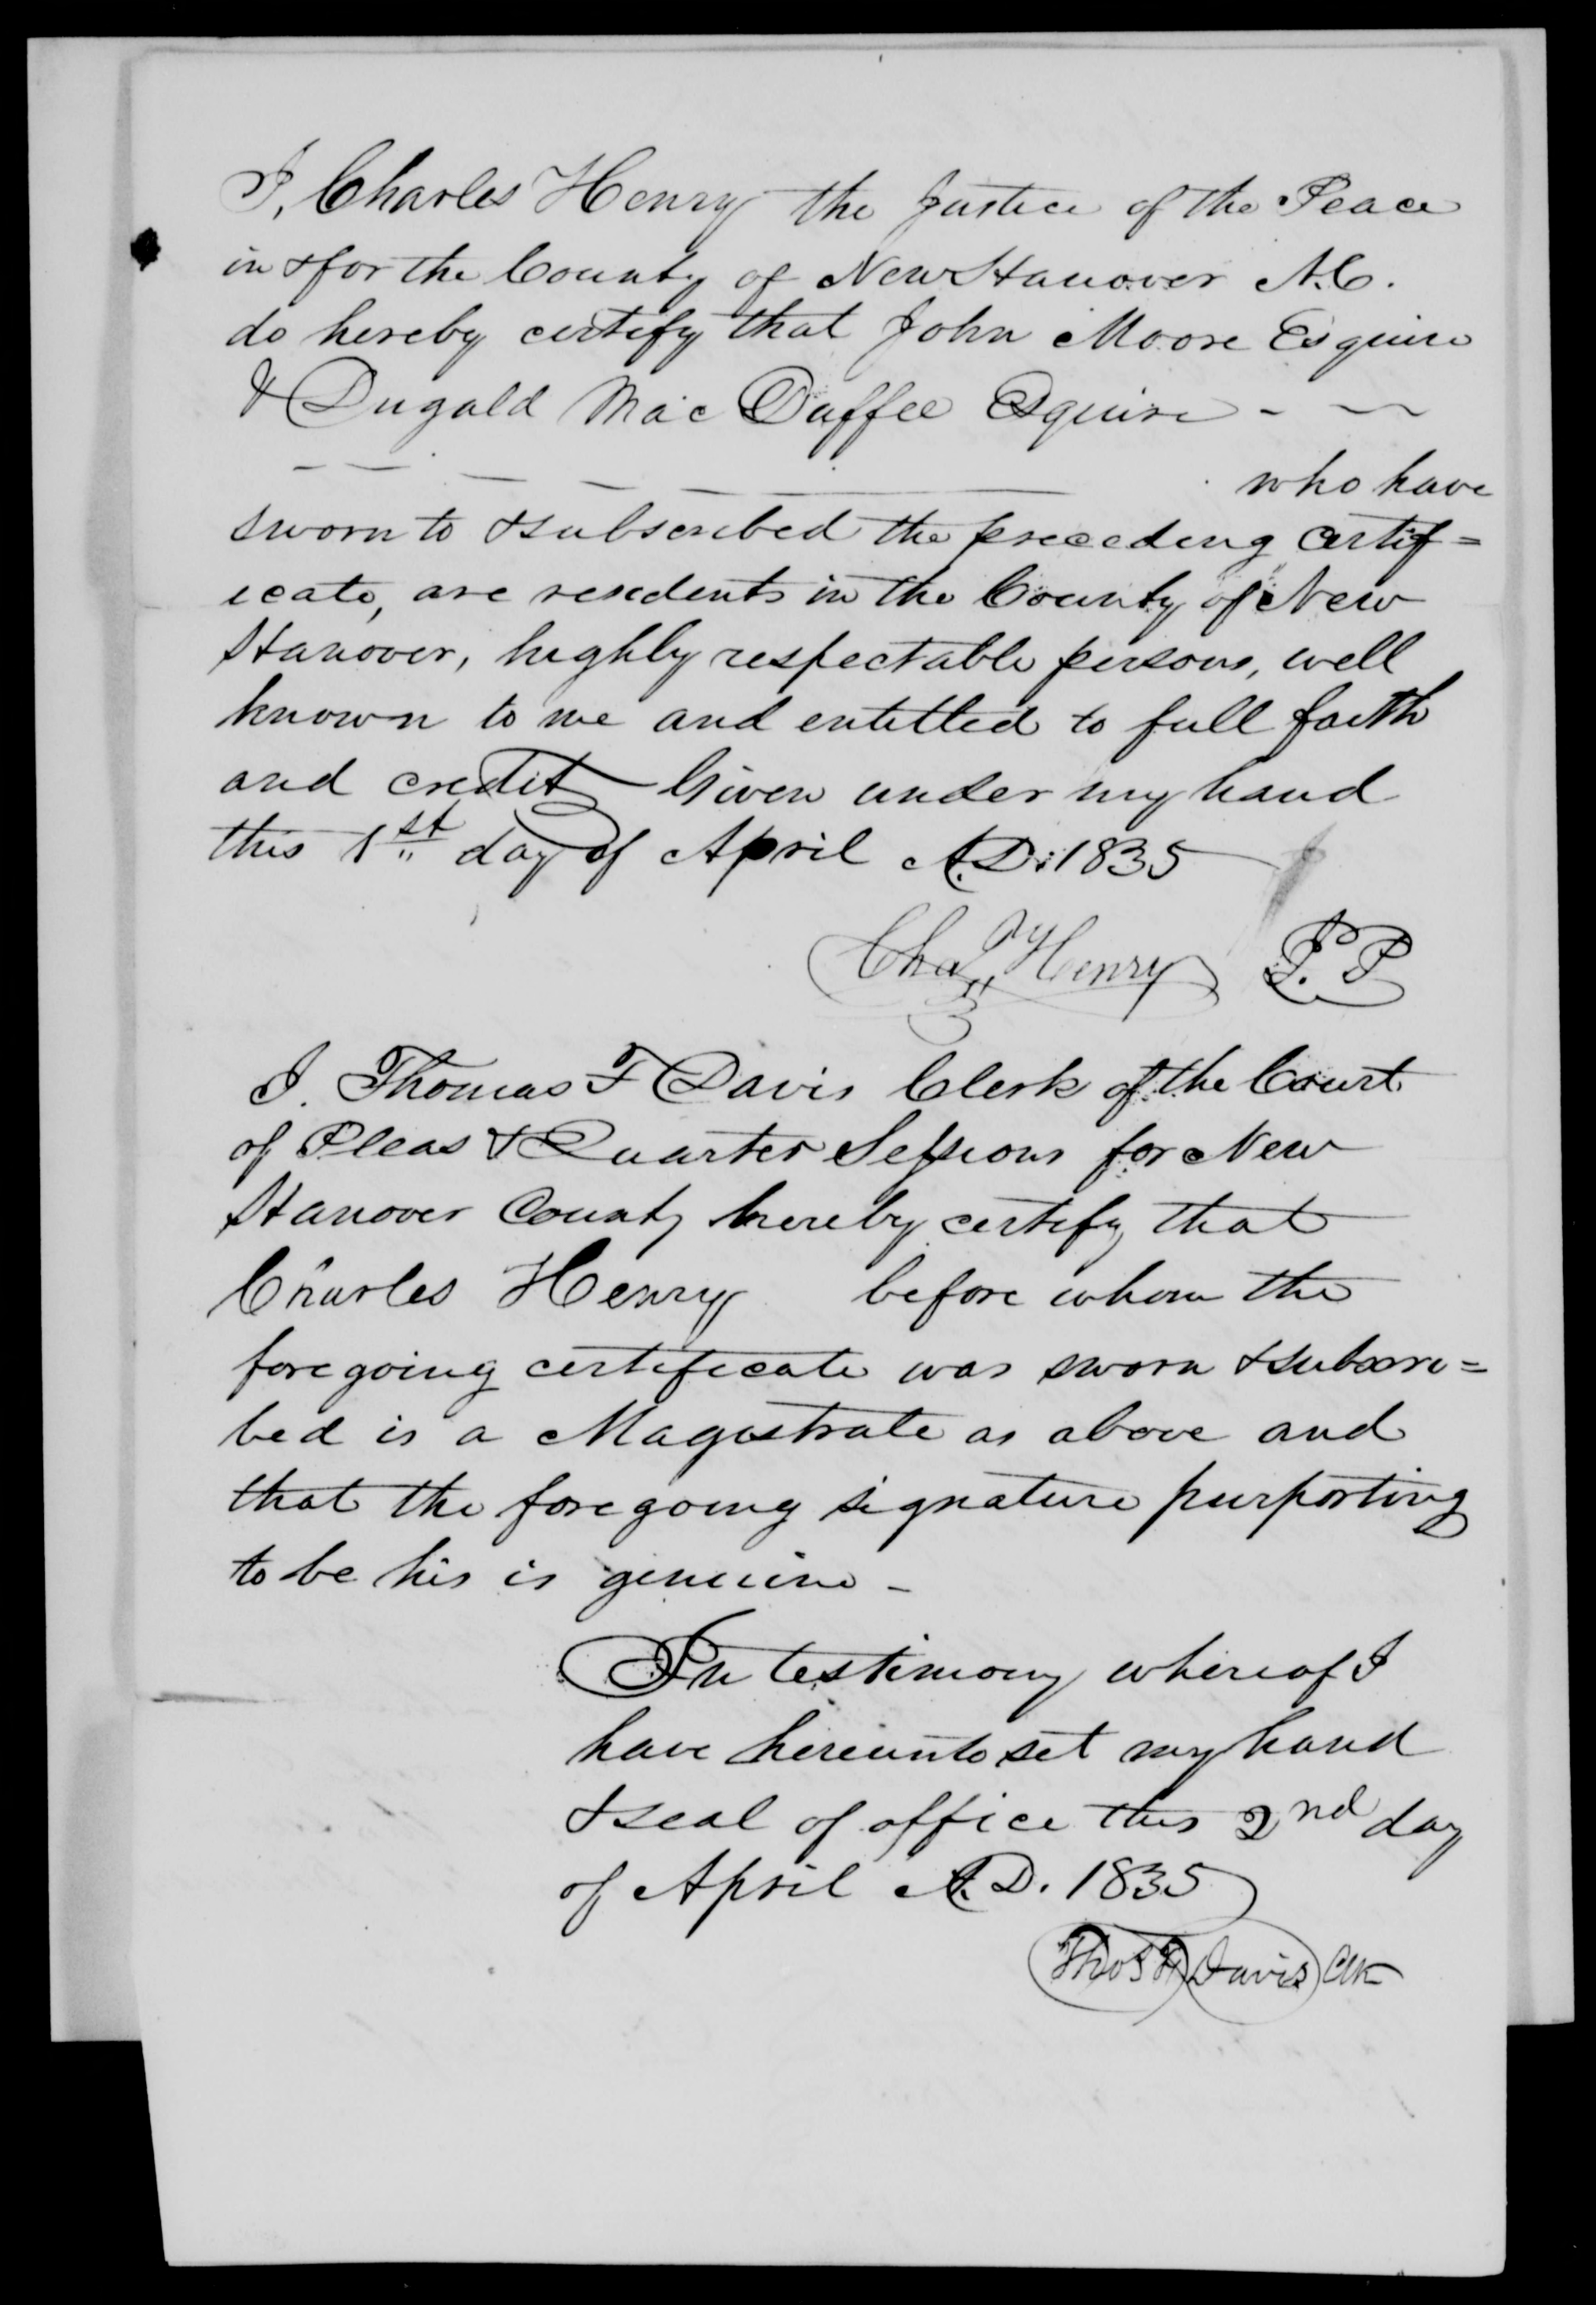I, Charles Henry the Justice of the Peace in & for the County of New Hanover N.C. do hereby certify that John Moore Esquire & Dugald Mac Duffee Squire who have Sworn to & subscribed the preceding certificate, are residents in the County of New Hanover, highly respectable persons, well known to me and entitled to full faith and credit Given under my hand
this 1st day of April A.D. 1835
Chas Henry J.P.
I, Thomas F Davis Clerk of the Court of Pleas & Quarter Sessions for New Hanover County hereby certify that Charles Henry before whom the foregoing certificate was sworn & subscribed is a Magistrate as above and that the foregoing signature purporting to be his is genuine-
In testimony whereof I have hereunto set my hand & seal of office this 2nd day
of April A.D. 1835
Thos F. Davis Clk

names: Charles Henry, Chas Henry, Charles Henry, John Moore, Dugald Mac Duffee, Thos F Davis, Thomas F Davis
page: 11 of 11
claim: rejected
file: R. 11089, John Wall, Va.